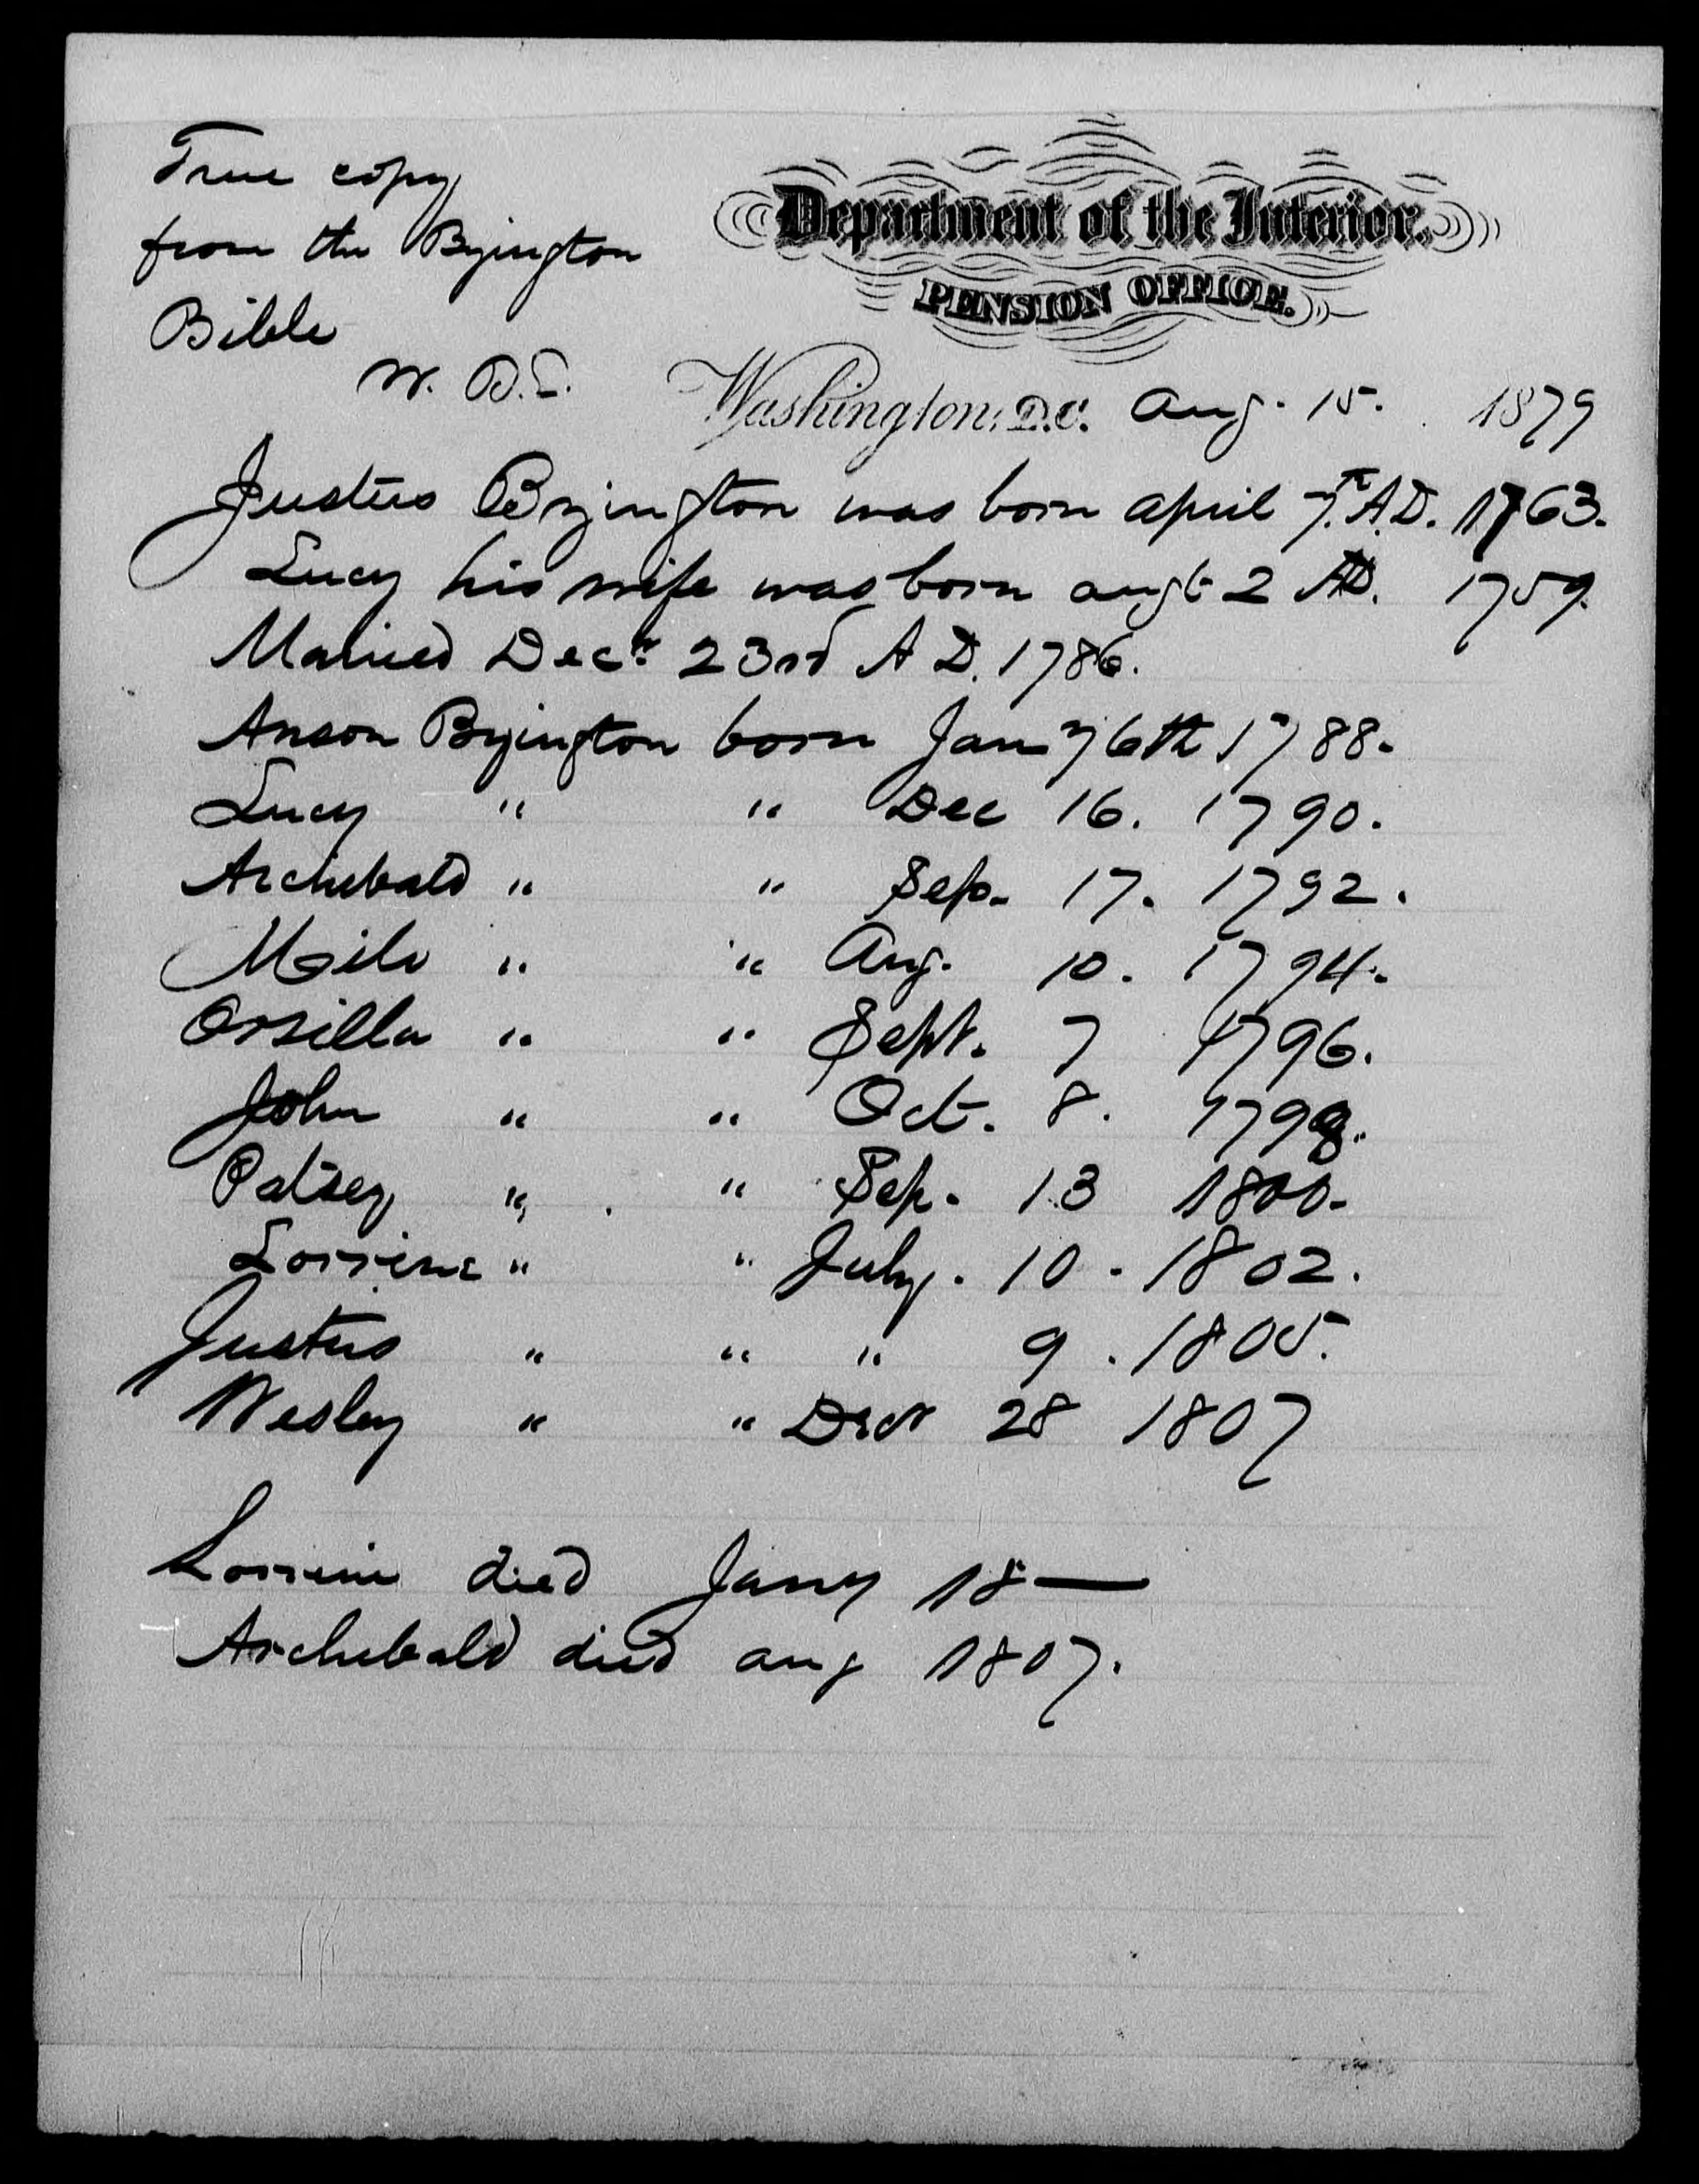DEPARTMENT OF THE INTERIOR
PENSION OFFICE
WASHINGTON D.C. Aug. 15, 1879

True Copy from the Byington Bible
M. D.C

Justus Byington was born April 7th A.D. 1763
Lucy his wife was born Augt. 2 AD 1759
Married Dec. 23rd AD. 1786
Anson Byington born Janry 6th 1788
Lucy Byington born Dec 16. 1790
Archibald Byington born Sep. 17. 1792
Milo Byington born Aug. 10. 1794
Orsilla Byington born Sept. 7 1796
John Byington born Oct. 8. 1798.
Patsy Byington born Sep. 13 1800
Lorrine Byington born July. 10. 1802
Justus Byington born July 9. 1800
Wesley Byington born Decr 28 1807

Lorrine died Janry 18--
Archibald died aug 1807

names: Justus Byington, Lucy Byington, Archibald Byington, Archibald, John Byington, Milo Byington, Lorine Byington, Patsey Byington, Lorrine, Justus Byington, Wesley Byington, Orsilla Byington, Lucy, Anson Byington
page: 13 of 79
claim: widow's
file: W. 23754, Justus Byington, Conn.